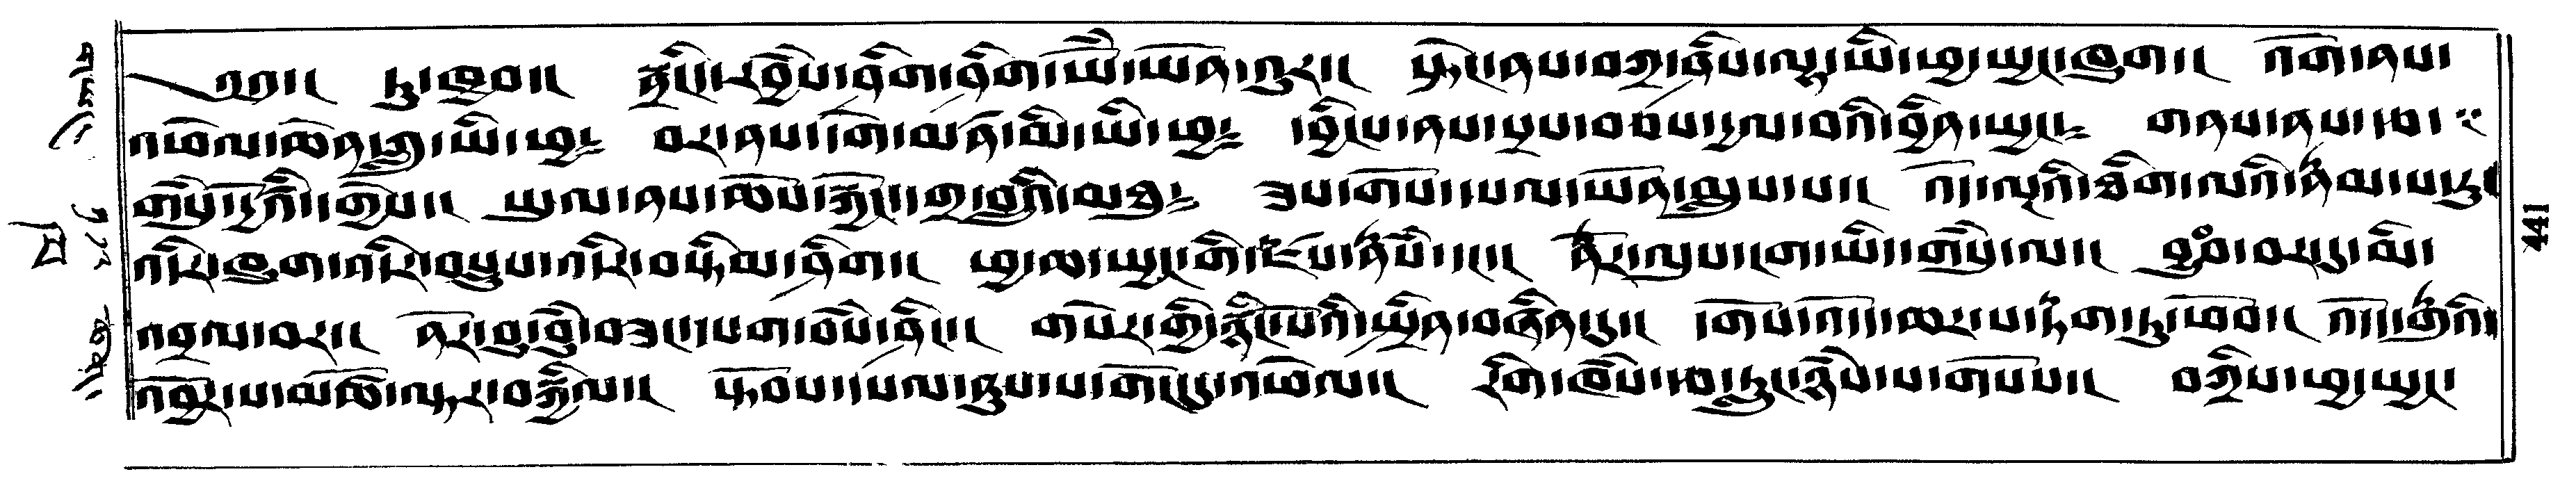ཏུ་ཁྱབ། །སྣང་སྲིད་རབ་འབྱམས་ཤིག་ཤིག་ཡོམ་ཡོམ་འུར། །སྟེང་ནས་བཀྲ་ཤིས་ལྷ་ཡི་ཕྱྭ་གཡང་ཁུག།འོག་ནས་
འཔེལ་ཆེན་ཀླུ་ཡི་ཕྱྭ༴ བར་ནས་དགེ་མཚན་མི་ཡི་ཕྱྭ༴ དབྱིངས་ནས་སྲས་བཅས་རྒྱལ་བའི་བྱིན་གཡང༴ གནས་ནས་རྩ་
གསུམ་རྒྱ་མཚོའི་དགྱེས༴ ཡུལ་ནས་ཆོས་སྐྱོང་དགྲ་ལྷའི་མཐུ༴ ཟས་གོས་དཔལ་ཡོན་མ་ལུས་པ། །འོད་ལྔའི་ཐིག་ལའི་རྣམ་པ་རུ། །
འདིར་ཁུག་འདིར་བསྡུས་འདིར་བསྟིམ་ཤིག །ཕྱྭ་ཆ་གཡང་གི་རྫས་རྣམས་དང་། །རྣལ་འབྱོར་ལུས་ངག་ཡིད་གསུམ་ལ། །བྱང་ཆུབ་བར་དུ་མི་
འབྲལ་བར། །ནོར་བུ་བུམ་བཟང་དཔག་བསམ་ཤིང་། །གསེར་གྱི་སྙིང་པོའི་སྤྲིན་བཞིན་དུ། །དགོས་འདོད་ཆར་པ་རྟག་ཏུ་ཕོབ། །འདོད་རྒུའི་
འབྱོར་པ་མཚོ་ལྟར་བསྐྱིལ། །སྟོབས་དཔལ་ནུས་པ་གོང་དུ་འཕེལ། །རིག་ཁམས་རྩ་རླུང་ཉམས་པ་གསོས། །བཀྲ་ཤིས་ཕྱ་གཡང་